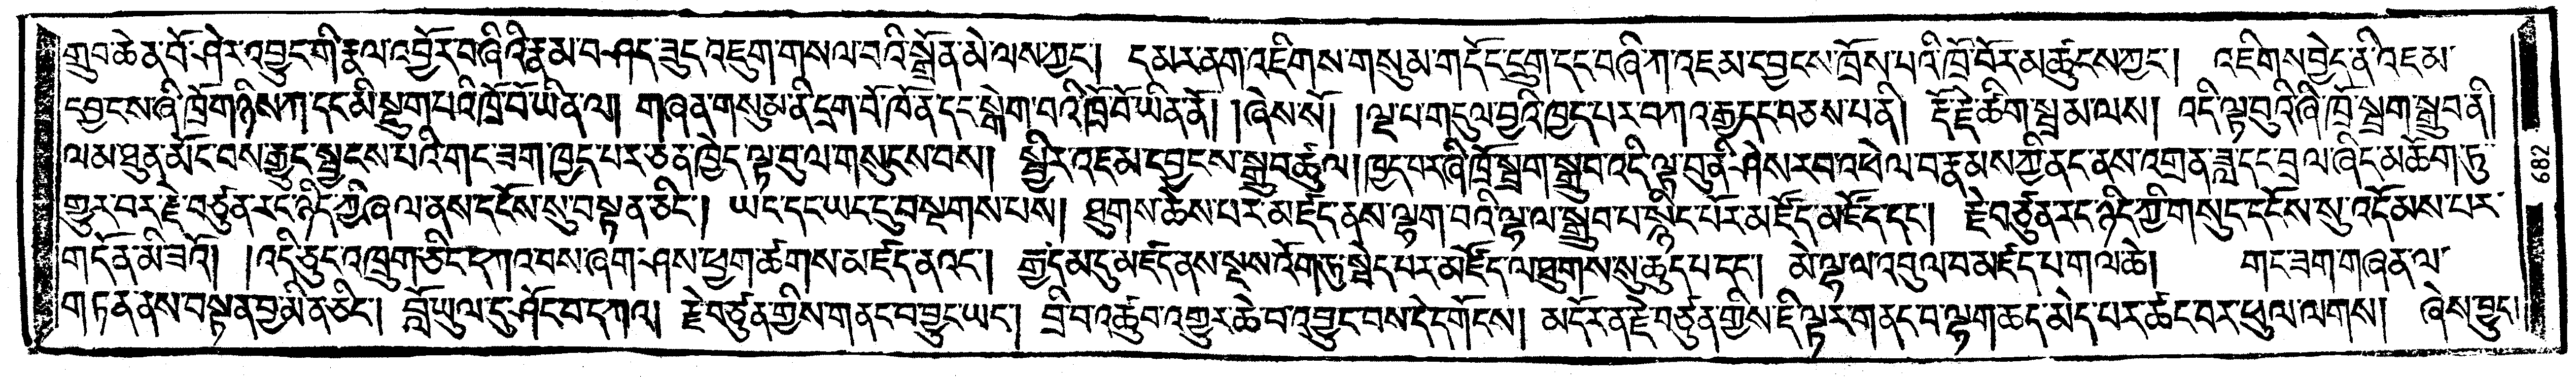གྲུབ་ཆེན་བོ་ཤེར་འབྱུང་གི་རྣལ་འབྱོར་བཞིའི་རྣམ་བཤད་ཟུང་འཇུག་གསལ་བའི་སྒྲོན་མེ་ལས་ཀྱང་། དམར་ནག་འཇིགས་གསུམ་གདོང་དྲུག་དང་བཞི་ཀ་འཇམ་དབྱངས་ཁྲོས་པའི་ཁྲོ་བོར་མཚུངས་ཀྱང་། འཇིགས་བྱེད་ནི་འཇམ་
དབྱངས་ཞི་ཁྲོ་གཉིས་ཀ་དང་མི་སྡུག་པའི་ཁྲོ་བོ་ཡིན་ལ། གཞན་གསུམ་ནི་དྲག་བོ་ཁོ་ན་དང་སྒེག་བའི་ཁྲོ་བོ་ཡིན་ནོ། །ཞེས་སོ། །ལྔ་པ་གདུལ་བྱའི་ཁྱད་པར་བཀའ་རྒྱ་དང་བཅས་པ་ནི། རྡོ་རྗེ་ཚིག་སྦྲམ་ལས། འདི་ལྟ་བུའི་ཞི་ཁྲོ་སྦྲག་སྒྲུབ་ནི།
ལམ་ཐུན་མོང་བས་རྒྱུད་སྦྱངས་པའི་གང་ཟག་ཁྱད་པར་ཅན་ཁྱེད་ལྟ་བུ་ལ་གསུངས་པས། སྤྱིར་འཇམ་དབྱངས་སྒྲུབ་ཚུལ། ཁྱད་པར་ཞི་ཁྲོ་སྦྲག་སྒྲུབ་འདི་ལྟ་བུ་ནི་ཤེས་རབ་འཕེལ་བ་རྣམས་ཀྱི་ནང་ནས་འགྲན་ཟླ་དང་བྲལ་ཞིང་མཆོག་ཏུ་
གྱུར་བར་རྗེ་བཙུན་རང་ཉིད་ཀྱི་ཞལ་ནས་དངོས་སུ་བསྟན་ཅིང་། ཡང་དང་ཡང་དུ་བསྔགས་པས། ཐུགས་ཆེས་པར་མཛད་ནས་ལྷག་པའི་ལྷ་ལ་སྒྲུབ་པ་སྙིང་པོར་མཛོད་མཛོད་དང་། རྗེ་བཙུན་རང་ཉིད་ཀྱི་གསུང་དངོས་སུ་འདོམས་པར་
གདོན་མི་ཟའོ། །འདི་ཅུང་འཁྲུག་ཅིང་དཀའ་བས་ཞག་ཤས་ཕྱག་ཚགས་མཛད་ནའང་། རྒྱ་དམ་དུ་མཛད་ནས་སྔས་འོག་ཏུ་སྦེད་པར་མཛོད་ལ་ཐུགས་སུ་ཆུད་པ་དང་། མེ་ལྷ་ལ་འབུལ་བ་མཛད་པ་གལ་ཆེ། གང་ཟག་གཞན་ལ་
གཏན་ནས་བསྟན་བྱ་མིན་ཅིང་། བློ་ཡུལ་དུ་ཤོང་བ་དཀའ། རྗེ་བཙུན་གྱིས་གནང་བ་བྱུང་ཡང་། བྲི་བ་འཚུབ་འགྱུར་ཆེ་བ་འབྱུང་བས་དེ་དགོངས། མདོར་ན་རྗེ་བཙུན་གྱིས་ཇི་ལྟར་གནང་བ་ལྷག་ཆད་མེད་པར་ཚང་བར་ཕུལ་ལགས། ཞེས་བྱུང་།